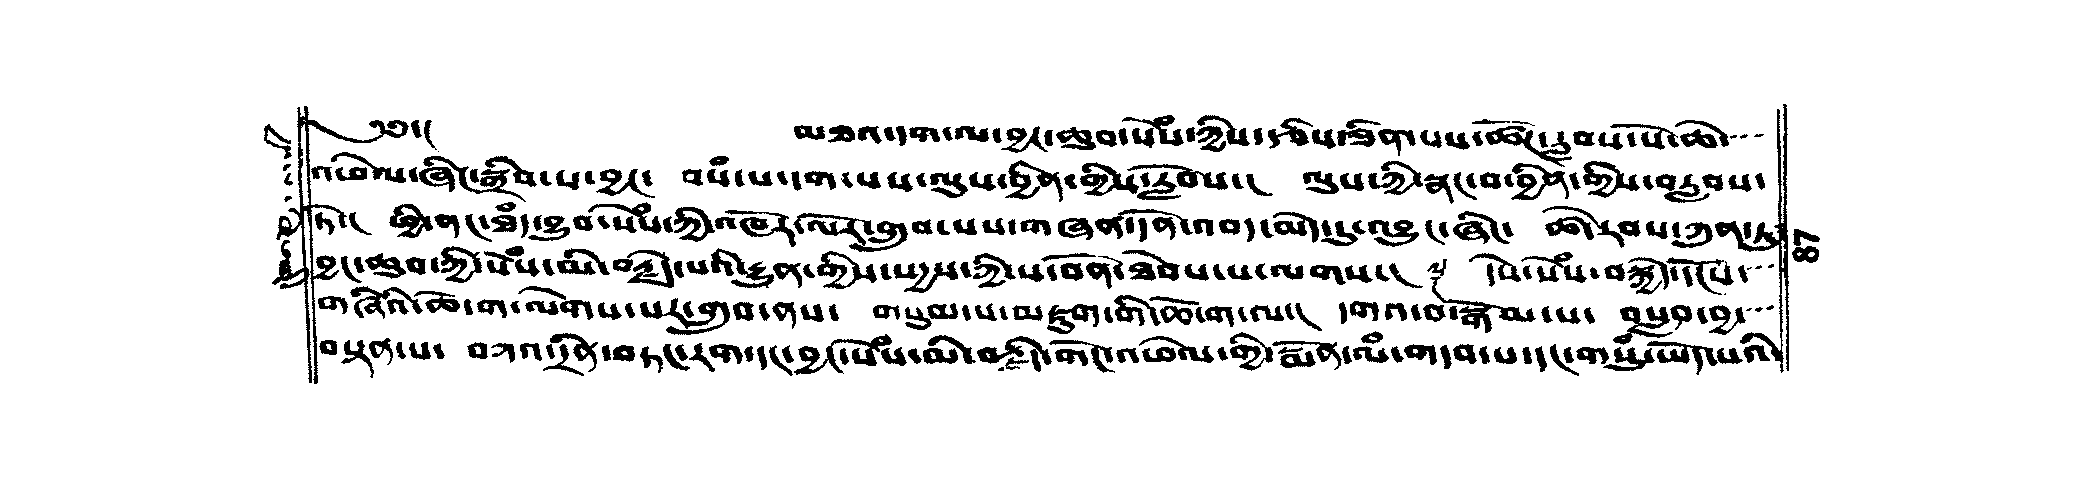མཐའ་དག་ལ་བྱང་ཆུབ་སེམས་ཀྱིས་རྩིས་ཟིན་པས་ཚོགས་རླབས་པོ་ཆེ་
འཕེལ་ཞིང་སྒྲིབ་པ་བྱང་། བསམ་པ་དག་པས་ལུས་བྱིན་གྱིས་རློབས། ལུས་ཀྱི་སྣང་བ་བྱིན་གྱིས་བརླབས་
ཏེ།ཕྱི་ནང་ཐམས་ཅད་བྱང་ཆུབ་སེམས་ཀྱི་འཁོར་ལོར་གྲུབ་པས་གཞན་དོན་འབད་མེད་དུ་འབྱུང་ཞིང་། ཚེ་རབས་ཀུན་ཏུ་
བྱང་ཆུབ་ཀྱི་སེམས་མི་བརྗེད་པའི་རྒྱུན་གྱིས་སངས་རྒྱས་ཀྱི་ས་བོན་ཐེབས་པ་ལགས། ༈ དེས་སེམས་བསྐྱེད་དངོས་
གཞིའི་ཆོ་ག་ལེགས་པར་གྲུབ་ནས། གསུམ་པ་མཇུག་གི་ཆོ་ག་ལ། དགའ་བ་སྒོམ་པ། བསླབ་བྱ་
བསྟན་པ། བཀའ་དྲིན་བཏང་རག་དང་བྱང་སེམས་མི་བརྗིད་གོང་འཕེལ་གྱི་སྨོན་ལམ་གདབ་པ་དང་གསུམ་ཡོད་པའི་